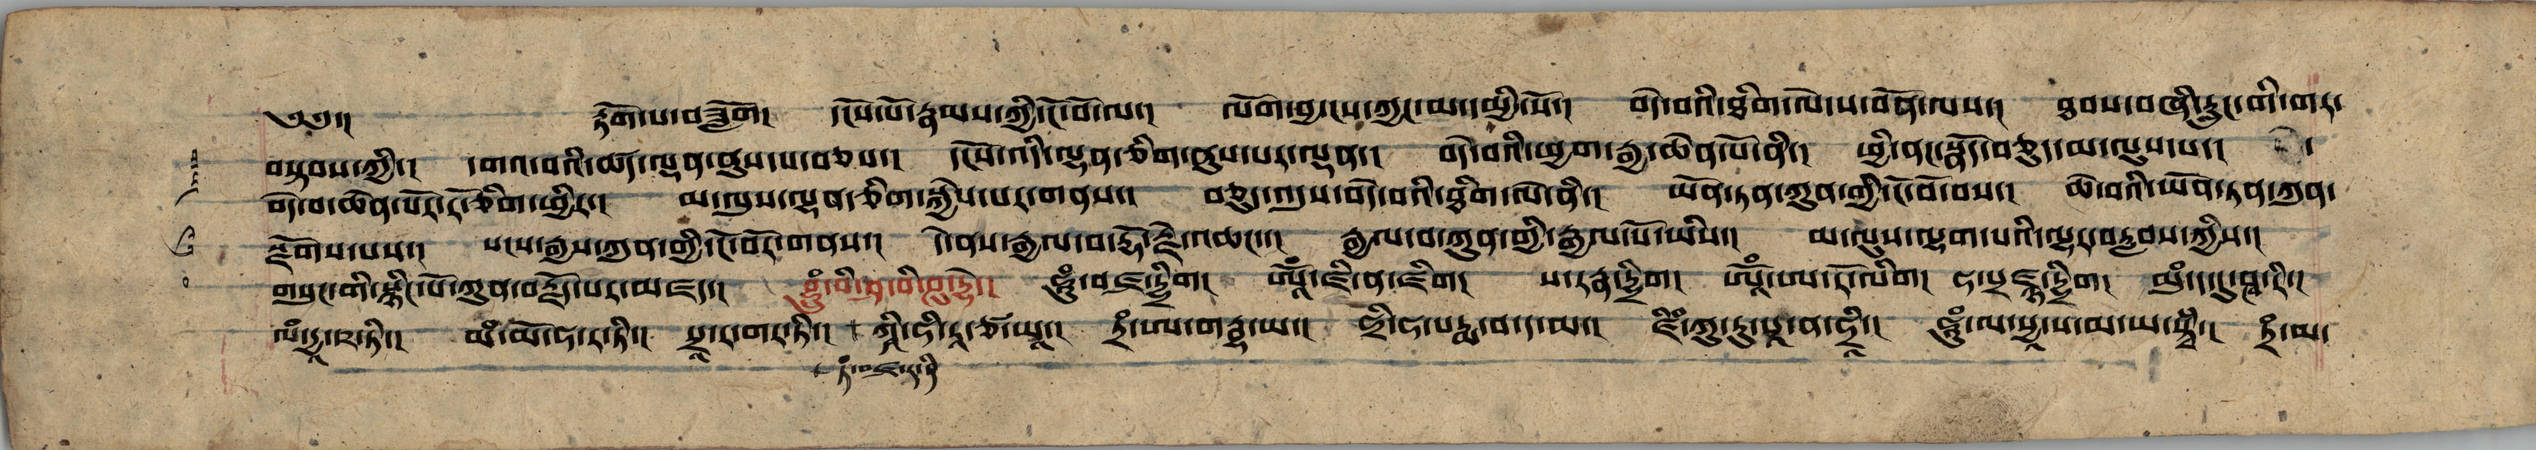༄༅་། རྟོག་པ་བཟློག། དངོས་པོ་རྣམས་ཀྱི་ངོ་བོ་ལ་། ལོག་བྱ་ངས་ཀྱང་མ་དམྱི་སོ་། བདེ་བའི་ཐིག་ལེ་ས་བོན་ལས་། ཐབས་བཞི་རླུང་གི་གར་
བསྟབས་ཀྱི་། དགའ་བའི་ཚད་ལྡན་ནུས་པ་བཅས་། དངོས་འདི་ལྷན་ཅིག་ནུས་པར་ལྡན་། བདེ་བའི་ཕྱག་རྒྱ་ཆེན་པོ་ནི་། ཕྱི་ནང་སྣོད་བཅུད་མ་ལུས་པ་།
བདེ་བ་ཆེན་པོར་རོ་ཅིག་ཕྱིར་། མ་ལུས་ལྷན་ཅིག་སྐྱེས་པར་གནས་། བཅུད་འདུས་བདེ་བའི་ཐིག་ལེ་ནི་། ཡོན་ཏན་ཀུན་གྱི་ངོ་བོ་བས་། ཆེ་བའི་ཡོན་ཏན་ཀུན་
སྫོགས་པས་། སངས་རྒྱས་ཀུན་གྱི་ངོ་བོར་གནས་། དེ་ནས་རྒྱལ་བ་རྡོ་རྗེ་འཆང་་། རྒྱལ་བ་ཀུན་གྱི་རྒྱལ་པོ་ཡིས་། མ་ལུས་ལྷག་པའི་ལྷར་བརླབས་ཀྱིས་།
གསུང་གི་སྙིང་པོ་ཀུན་བརྗོད་པར་མཛད་། བྷྲུཾ་བི་ཤ་བི་ཤུ་དྷེ་། ཧཱུཾ་བཛྲ་དྷྲིག། ཨཱོཾ་ཛི་ན་ཛིག། ས་རཏྣ་དྷྲིག། ཨཱོཾ་ཨ་རོ་ལིག། ཧ་པྲཛྙ་དྷྲིག། མུཾ་ད་དུ་ཤྭ་རི་།
ལཾ་དྱ་ཥ་ཏི་། མཾ་མོ་ཧ་ར་ཏི་། པྲ་ར་གར་ཏི་། ཀཱི་ཧི་རཱ་ཙ་ཡཱ་། ཏྲཾ་ཨ་གརྦྷ་ཡ་། ཧྲི་ཧ་པདྨ་བ་ད་མ་། ཛིཾ་ཀུ་རུ་པཱ་ན་ཧྲི་། ཧཱུཾ་ལ་སྱ་ས་མ་ཡ་སྟྭཾ་། ཏྲཾ་མ་